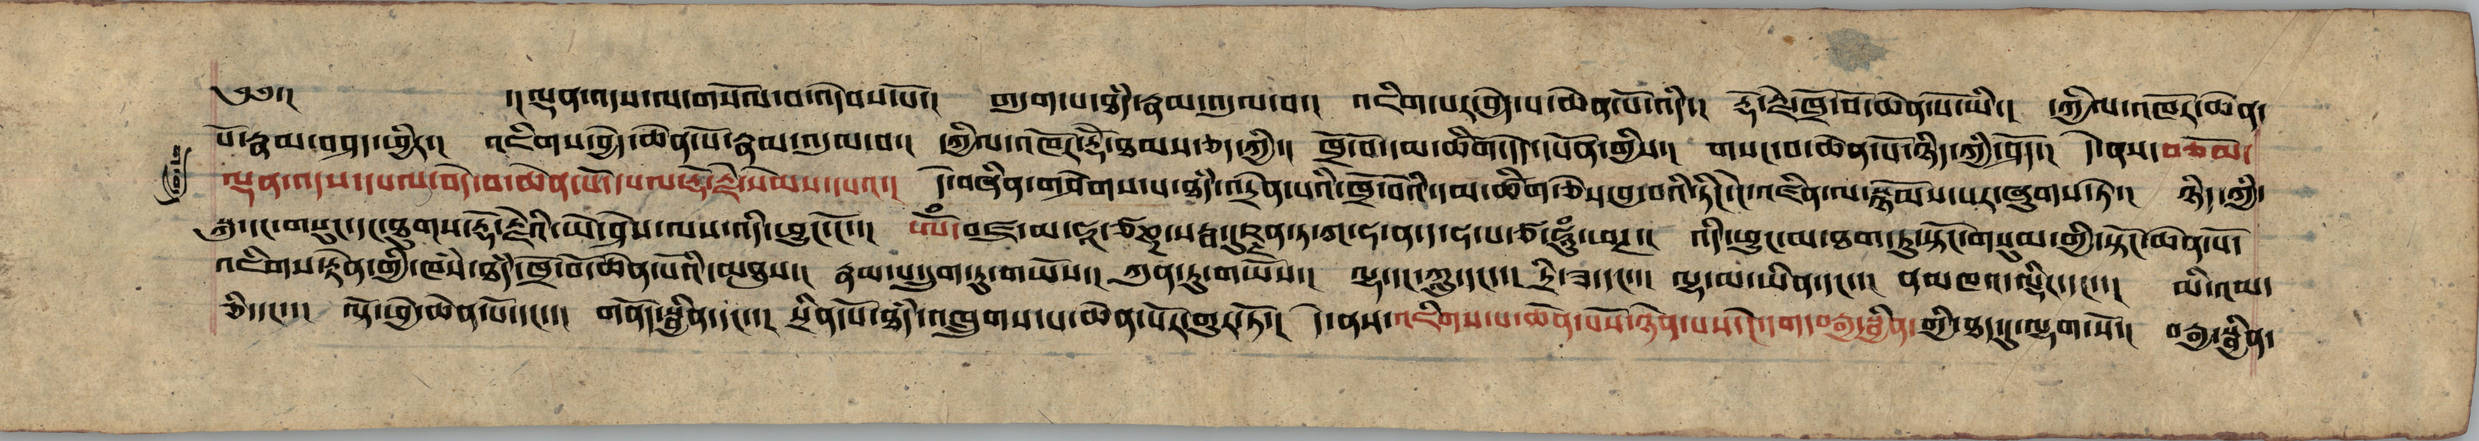༄༅་། ་།ལྡན་འདས་ལ་གསོལ་བ་འདེབས་སོ་། གདུག་པ་ཐདཾ་རྣམ་འདུལ་བ་། འཇིག་པར་བྱེད་པ་ཆེན་པོ་འདི་། རྡོ་རྗེ་ཁྲོ་བོ་ཆེན་པོ་ཡི་། དཀྱིལ་འཁོར་ཆེན་
པོ་རྣམ་བཤད་ཕྱིར་། འཇིག་བྱེད་ཆེན་པོ་རྣམ་འདུལ་བ་། དཀྱིལ་འཁོར་རྡོེ་ཐམས་ཅད་ཀྱི་། ཁྲོ་བོ་དམ་ཚིག་དེད་དཔོན་གྱིས་། གསང་བ་ཆེན་པོ་ཉིད་ཀྱི་ཤོད་། དེ་ནས་བཅོམ་
ལྡན་འདས་དཔལ་བདེ་བ་ཆེན་པོ་དཔལ་རྡོ་རྗེ་སེམས་དཔའ་། དེ་བཞིན་གཤེགས་པ་ཐདཾ་འདྲེན་པའི་ཁྲོ་བོའི་དམ་ཚིག་ཅེས་བྱ་བའི་ཏིང་ངེ་འཛིན་སྙོམས་པར་ཞུགས་ཏེ་། ཉིད་ཀྱི་
སྐུ་དང་གསུང་དང་ཐུགས་རྡོ་རྗེའི་ཡེ་ཤེས་ལས་འདི་ཕྱུང་ངོ་་། ཨོཾ་བཛྲ་མ་ཧཱ་ཙཎྜ་སརྦ་དུཥྚན་ཏ་ཀ་ཧ་ན་ད་ཧ་པ་ཙ་ཧཱུཾ་ཕཊ་། འདི་ཕྱུང་མ་ཐག་ཏུ་སྟོང་གསུམ་གྱི་སྟོང་ཆེན་པོ་
འཇིག་རྟེན་གྱི་ཁཾས་ཐདཾ་ཁྲོ་བོ་ཆེན་པོའི་མཐུས་། རྣམ་པ་དྲུག་ཏུ་གཡོས་། ཀུན་ཏུ་གཡོས་། ལྷ་དང་ཀླུ་དང་། དྲི་ཟ་དང་། ལྷ་མ་ཡིན་དང་་། ནམཁའ་ལྡིང་དང་་། མི་འམ་
ཅི་དང་་། ལྟོ་ཕྱེ་ཆེན་པོ་དང་་། གནོད་སྦྱིན་དང་་། སྲིན་པོ་ཐདཾ་འཁྲུགས་པ་ཆེན་པོར་གྱུར་ཏོ་། དེ་ནས་འཇིགས་པ་ཆེན་པོས་ཉེན་པས་དེ་དག་བརྒྱ་སྦྱིན་གྱི་ཐད་དུ་ལྷག་སོ་། བརྒྱ་སྦྱིན་